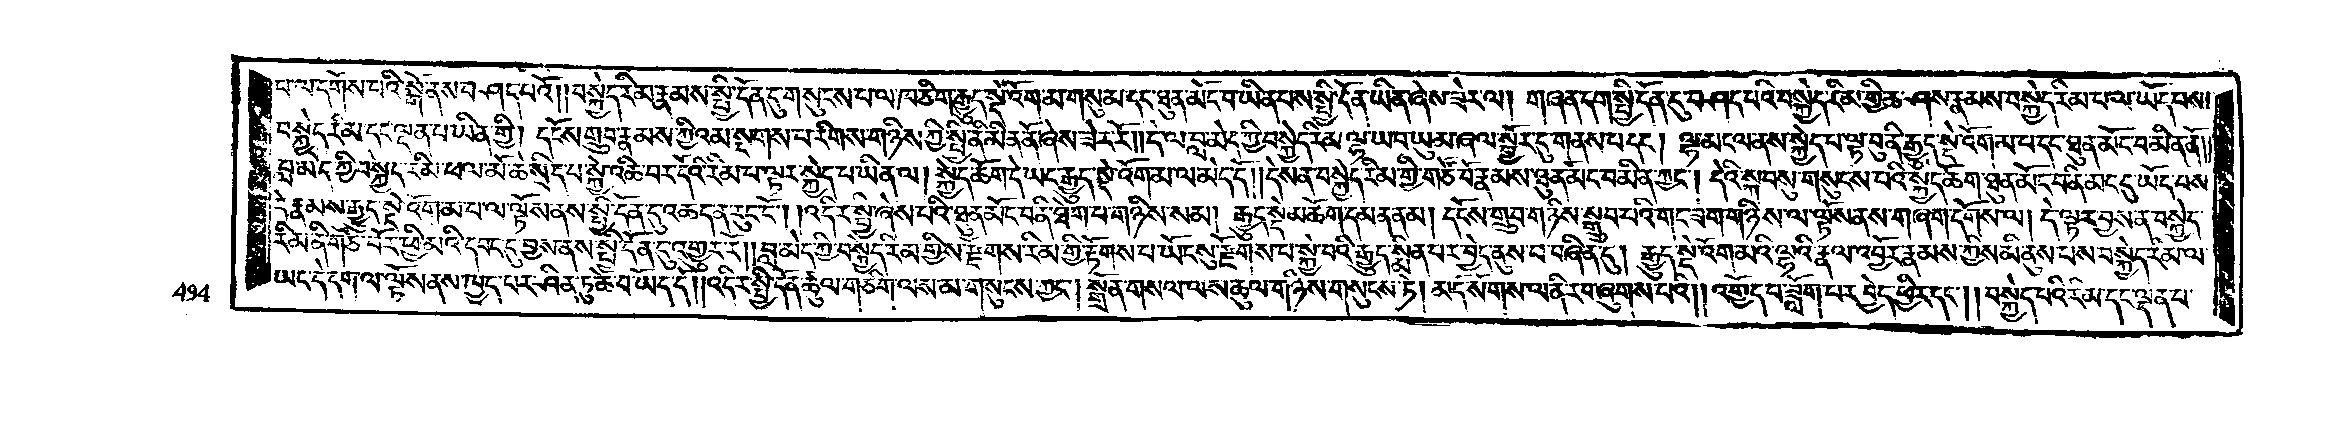པ་ལ་དགོས་པའི་སྒོ་ནས་བཤད་པའོ། །བསྐྱེད་རིམ་རྣམས་སྤྱི་དོན་དུ་གསུངས་པ་ལ་ཁ་ཅིག་རྒྱུད་སྡེ་འོག་མ་གསུམ་དང་ཐུན་མོང་བ་ཡིན་པས་སྤྱི་དོན་ཡིན་ཞེས་ཟེར་ལ། གཞན་དག་སྤྱི་དོན་དུ་བཤད་པའི་བསྐྱེད་རིམ་གྱི་ཆ་ཤས་རྣམས་བསྐྱེད་རིམ་པ་ལ་ཡོད་པས་
བསྐྱེད་རིམ་དང་ལྡན་པ་ཡིན་གྱི། དངོས་གྲུབ་རྣམས་ཀྱི་རག་?་སྔགས་པ་རིགས་གཉིས་ཀྱི་སྤྱི་ནི་མིན་ནོ་ཞེས་ཟེར་རོ། །དེ་ལ་བླ་མེད་ཀྱི་བསྐྱེད་རིམ་ལྷ་ཡབ་ཡུམ་ཞལ་སྦྱོར་དུ་གནས་པ་དང་། ལྷ་མངལ་ནས་སྐྱེད་པ་ལྟ་བུ་ནི་རྒྱུད་སྡེ་འོག་མ་པ་དང་ཐུན་མོང་བ་མིན་ནོ། །
བླ་མེད་ཀྱི་བསྐྱེད་རིམ་ཕལ་མོ་ཆེ་སྲིད་པ་སྐྱེ་འཆི་བར་དོའི་རིམ་པ་ལྟར་སྐྱེད་པ་ཡིན་ལ། སྐྱེད་ཆོག་དེ་ཡང་རྒྱུད་སྡེ་འོག་མ་ལ་མེད་དོ། །དེས་ན་བསྐྱེད་རིམ་གྱི་གཙོ་བོ་རྣམས་ཐུན་མོང་བ་མིན་ཀྱང་། དེའི་སྐབས་སུ་གསུངས་པའི་སྐྱེད་ཆོག་ཐུན་མོང་བ་ནི་མང་དུ་ཡོད་པས་
དེ་རྣམས་རྒྱུད་སྡེ་འོག་མ་པ་ལ་ལྟོས་ནས་སྤྱི་དོན་དུ་འཆད་ན་རུང་ངོ། །འདིར་སྤྱི་ཞེས་པའི་ཐུན་མོང་བ་ནི་ཐེག་པ་གཉིས་སམ། རྒྱུད་སྡེ་མཆོག་དམན་ནམ། དངོས་གྲུབ་གཉིས་སྒྲུབ་པའི་གང་ཟག་གཉིས་ལ་ལྟོས་ནས་གཞག་དགོས་ལ། དེ་ལྟར་བྱས་ན་བསྐྱེད་
རིམ་ནི་གཙོ་བོར་ཕྱི་མའི་དབང་དུ་བྱས་ནས་སྤྱི་དོན་དུ་འགྱུར་རོ། །བླ་མེད་ཀྱི་བསྐྱེད་རིམ་གྱིས་རྫོགས་རིམ་གྱི་རྟོགས་པ་ཡོངས་སུ་རྫོགས་པ་སྐྱེ་བའི་རྒྱུད་སྨིན་པར་བྱེད་ནུས་པ་བཞིན་དུ། རྒྱུད་སྡེ་འོག་མའི་ལྷའི་རྣལ་འབྱོར་རྣམས་ཀྱིས་མི་ནུས་པས་བསྐྱེད་རིམ་ལ་
ཡང་དེ་དག་ལ་ལྟོས་ནས་ཁྱད་པར་ཤིན་ཏུ་ཆེ་བ་ཡོད་དོ། །འདིར་སྤྱི་དོན་ཚུལ་གཅིག་ལས་མ་གསུངས་ཀྱང་། སྒྲོན་གསལ་ལས་ཚུལ་གཉིས་གསུངས་ཏེ། མདོ་སོགས་ལ་ནི་རབ་ཞུགས་པའི། །འགྱོད་པ་ཟློག་པར་བྱེད་ཕྱིར་དང་། །བསྐྱེད་པའི་རིམ་དང་ལྡན་པ་